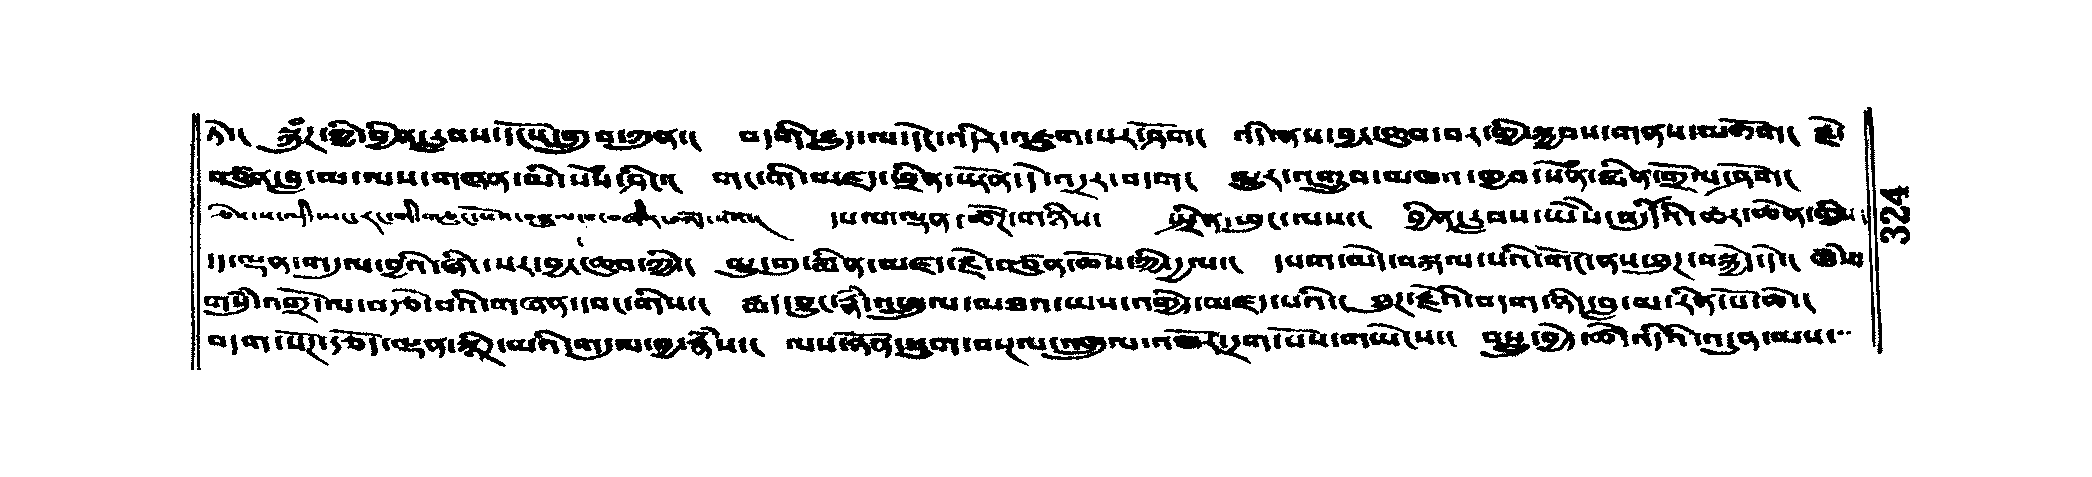ཏེ། །སྐུ་གསུང་ཐུགས་ཀྱི་བྱིན་རླབས་དངོས་གྲུབ་ཀུན། །བདག་གི་རྒྱུད་ལ་དེང་འདིར་འཇུག་པར་ཤོག།འདི་ནས་བྱང་ཆུབ་བར་གྱི་སྐྱབས་གནས་མཆོག །རྗེ་
བཙུན་བླ་མ་ལས་གཞན་མི་སེམས་ཤིང་། །གང་གི་མཛད་ཕྲིན་ཡོན་ཏན་དེ་འདྲར་བདག །མྱུར་འགྲུབ་མཁའ་ཁྱབ་སེམས་ཅན་སྨིན་གྲོལ་ཤོག 
ཅེས་པ་འདི་ཡང་རང་གི་གཅུང་པོས་བསྐུལ་པ་བཞིན་བཀོད་པའོ།། དཔལ་ལྡན་ཚོགས་གཉིས་ཐུགས་རྗེའི་སྤྲིན་ཕུང་ལས། །བྱིན་རླབས་ཡེ་ཤེས་བདུད་རྩིའི་ཆར་ཆེན་གྱིས། །
དད་ལྡན་གདུལ་བྱའི་ཞིང་སར་བྱང་ཆུབ་ཀྱི། །མྱུ་གུ་སྨིན་མཛད་རྗེ་བཙུན་ཆོས་ཀྱི་རྒྱལ། །དཔག་མེད་བསྐལ་པའི་གོང་ནས་ཐུགས་བསྐྱེད་དེ། ། ཁམས་
གསུམ་འགྲོ་ལ་བརྩེ་བའི་གཞན་དབང་གིས། །རྨད་བྱུང་རྣམ་འཕྲུལ་མཐའ་ཡས་འགྱེད་མཛད་པའི། །ཐུགས་རྗེའི་བདག་ཉིད་བླ་མ་རིན་པོ་ཆེ། །
བདག་སོགས་རྩོད་ལྡན་སྙིགས་མའི་གདུལ་བྱ་རྣམས། །ལས་ཉོན་སྡུག་བསྔལ་འཁྲུལ་འཁོར་དྲག་པོས་གཡེངས། །བསླུ་བྱེད་ཚེ་འདིའི་འདུན་མས་